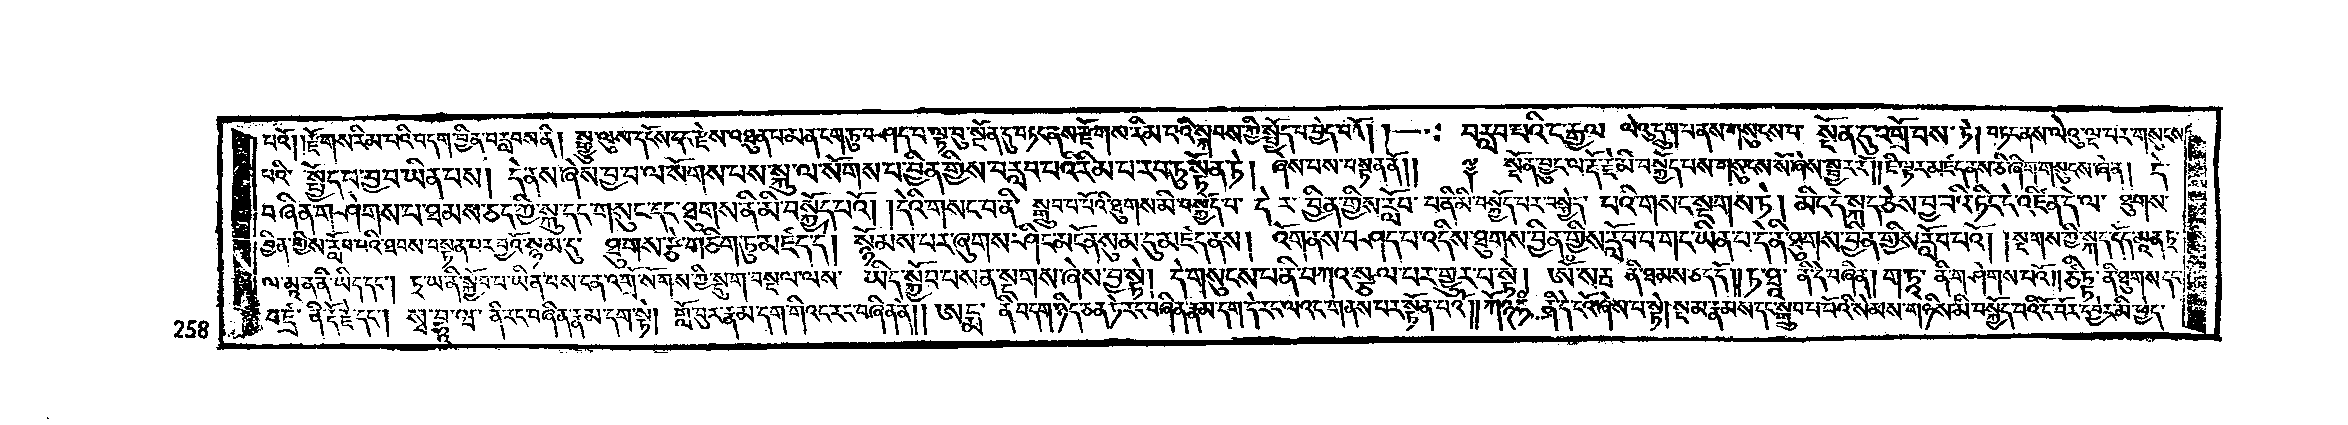པའོ། །རྫོགས་རིམ་པའི་བདག་བྱིན་བརླབས་ནི། སྒྱུ་ལུས་དངོས་དང་རྫེས་མཐུན་པ་མན་ངག་ཏུ་བཤད་པ་ལྟ་བུ་སྔོན་དུ་བཏང་ནས་རྫོགས་རིམ་པའི་སྐབས་ཀྱི་སྤྱོད་པ་བྱེད་པའོ། ། བརླབ་པའི་ང་རྒྱལ་ལེའུ་དྲུག་པ་ནས་གསུངས་པ་སྔོན་དུ་འགྲོ་བས་ཏེ། བཏང་ནས་ལེའུ་ལྔ་པར་གསུངས་
པའི་སྤྱོད་པ་བྱ་བ་ཡིན་པས། དེ་ནས་ཞེས་བྱ་བ་ལ་སོགས་པས་སྐུ་ལ་སོགས་པ་བྱིན་གྱིས་བརླབ་པའི་རིམ་པ་རབ་ཏུ་སྟོན་ཏེ། ཞེས་པས་བསྟན་ནོ།། ༈ སྔོན་བྱུང་ལ་རྡོ་རྗེ་མི་བསྐྱོད་པས་གསུངས་སོ་ཞེས་སྦྱར་རོ། །ཇི་ལྟར་མཛད་ནས་ཅི་ཞིག་གསུངས་ཞེ་ན།  དེ་
བཞིན་གཤེགས་པ་ཐམས་ཅད་ཀྱི་སྐུ་དང་གསུང་དང་ཐུགས་ནི་མི་བསྐྱོད་པའོ། །དེའི་གསང་བ་ནི་སྒྲུབ་པ་པོའི་ཐུགས་མི་བསྐྱོད་པ་དེར་བྱིན་གྱིས་རློབ་པ་ནི་མི་བསྐྱོད་པར་བསྐྱེད་པའི་གསང་སྔགས་ཏེ། མིང་དེ་སྐད་ཅེས་བྱ་བའི་ཏིང་ངེ་འཛིན་དེ་ལ་ཐུགས་
བྱིན་གྱིས་རློབ་པའི་ཐབས་བསྟན་པར་བྱའོ་སྙམ་དུ་ཐུགས་རྩེ་གཅིག་ཏུ་མཛད་དེ། སྙོམས་པར་ཞུགས་ཤིང་མངོན་སུམ་དུ་མཛད་ནས། འོག་ནས་བཤད་པ་འདིས་ཐུགས་བྱིན་གྱིས་རློབ་པ་གང་ཡིན་པ་དེ་ནི་ཐུགས་བྱིན་གྱིས་རློབ་པའོ། །སྔགས་ཀྱི་སྐད་དོད་མཱན་ཏྲ་
ལ་མཱན་ནི་ཡིད་དང་། ཏྲ་ཡ་ནི་སྐྱོབ་པ་ཡིན་པས་ངན་འགྲོ་སོགས་ཀྱི་སྡུག་བསྔལ་ལས་ཡིད་སྐྱོབ་པས་ན་སྔགས་ཞེས་བྱ་སྟེ། དེ་གསུངས་པ་ནི་བཀའ་སྩལ་པར་གྱུར་པ་སྟེ། ཨོཾ་སརྦ་ནི་ཐམས་ཅད་དོ། །  ཏ་ཐཱ་ནི་དེ་བཞིན།  ག་ཏཱ་ནི་གཤེགས་པའོ།  །ཙིཏྟ་ནི་ཐུགས་དང
བཛྲ་ནི་རྡོ་རྗེ་དང་།  སྭ་བྷཱ་ཝ་ནི་རང་བཞིན་རྣམ་དག་སྟེ། གློ་བུར་རྣམ་དག་གིའང་རང་བཞིན་ནོ། །  ཨདམ་ནི་བདག་ཉིད་ཅན་ཏེ་རང་བཞིན་རྣམ་དག་དེ་རང་ལའང་གནས་པར་སྟོན་པའོ།  །ཀོཉཧཾ་ནི་དེ་ངའོ་ཞེས་པ་སྟེ། སྔ་མ་རྣམས་དང་སྒྲུབ་པ་པོའི་སེམས་གཉིས་མི་བསྐྱོད་པའི་ངོ་བོར་དབྱེར་མི་ཕྱེད་